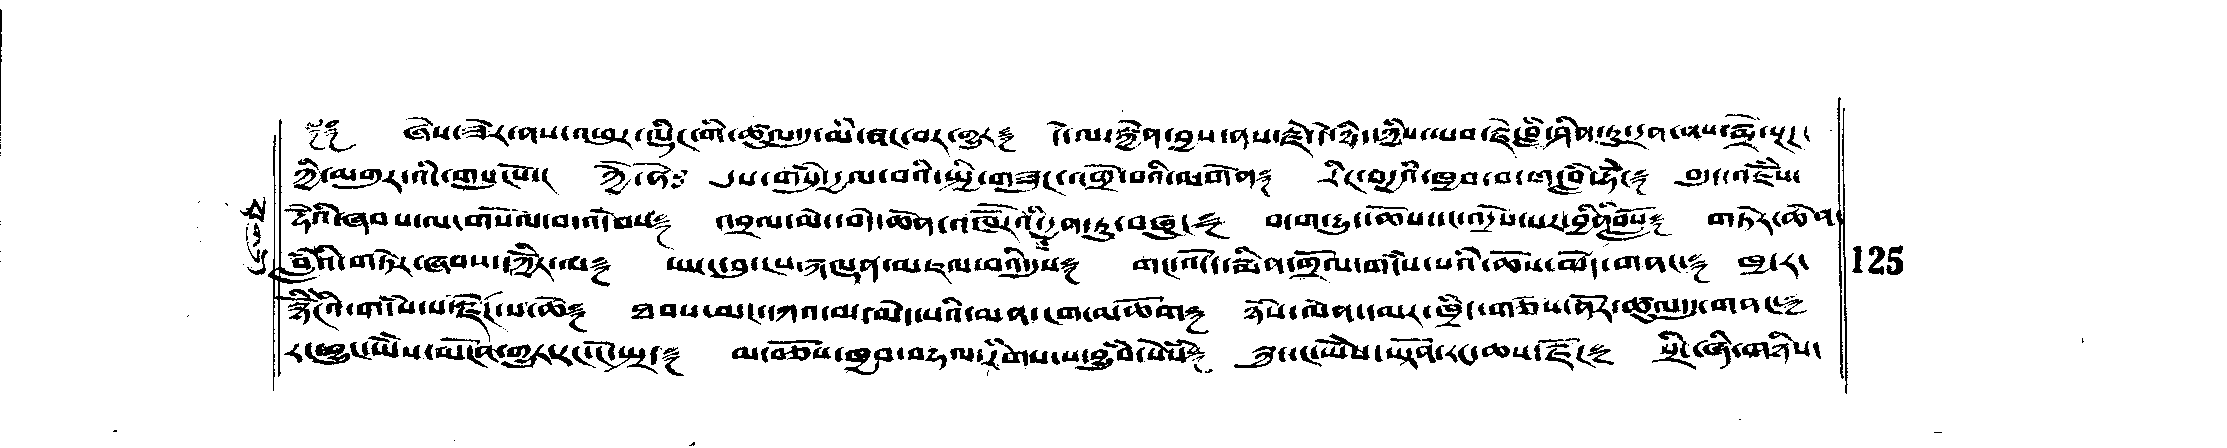།ཞེས་ཟེར་ནས་འཕུར་ལྡིངགི་ཚུལ་དུ་མི་སྣང་བར་གྱུར། དེ་ལ་རྐྱེན་བྱས་ནས་རྗེ་དེ་ཉིད་ཀྱིས་ཡབ་རྗེ་བླ་མ་ཤིན་ཏུ་དྲན་ནས་སྨྲེ་སྔགས་
ཀྱི་མགུར་འདི་གསུངས་སོ། ཀྱཻ་ཧོཿ དུས་གསུམ་རྒྱལ་བའི་སྤྱི་གཟུགས་འགྲོ་བའི་མགོན། །རིགས་བརྒྱའི་ཁྱབ་བདག་བླ་མ་རྡོ་རྗེ་འཆང་། །བདུད་འཇོམས་
རྡོ་རྗེའི་ཞབས་ལ་གསོལ་བ་འདེབས། །འབྲལ་མེད་བདེ་ཆེན་འཁོར་ལོའི་བརྒྱན་དུ་བཞུགས། །བདག་རྒྱུད་ཆོས་དང་འདྲེས་པར་བྱིན་གྱི་རློབས། །གཏེར་ཆེན་
བླ་མའི་གཏེར་ཞབས་དཀྱིལ་འཁོར་ལ། །ཡང་ཡང་བུ་ངས་སྐལ་ལྡན་མཇལ་བའི་དུས། །གང་འདོད་སྨིན་གྲོལ་གདམས་པའི་ཆོས་མཛོད་གནང་། ཁྱད་པར་
སྙིང་རྗེའི་༼སྙིང་པོའི་?༽གདམས་པ་རྫོགས་པའི་ཚེ། །ཐབས་མང་དཀའ་བ་མེད་པའི་མན་ངག་མཆོག །ཉམས་ལེན་དམར་ཁྲིད་གཅེས་ནོར་ཚུལ་དུ་གནང་། །
རང་བྱུང་ཡེ་ཤེས་མངོན་གྱུར་རང་ངོ་སྤྲད། །མ་བཅོས་ཁྱབ་བརྡལ་རིག་པ་བྱང་ཆུབ་སེམས། །སྐུ་དང་ཡེ་ཤེས་ཡོན་ཏན་རང་ཆས་རྫོགས། །སྲིད་ཞི་གཉིས་